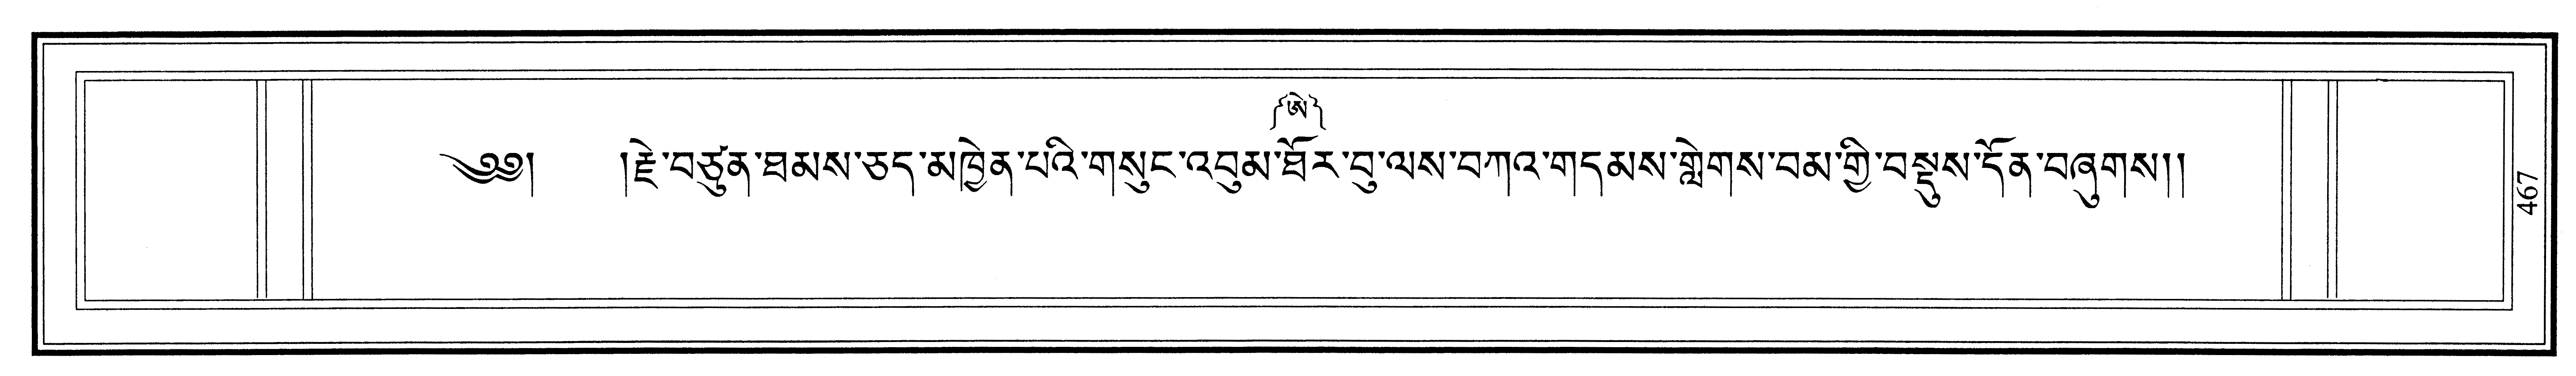༄༅། །རྗེ་བཙུན་ཐམས་ཅད་མཁྱེན་པའི་གསུང་འབུམ་ཐོར་བུ་ལས་བཀའ་གདམས་གླེགས་བམ་གྱི་བསྡུས་དོན་བཞུགས།།